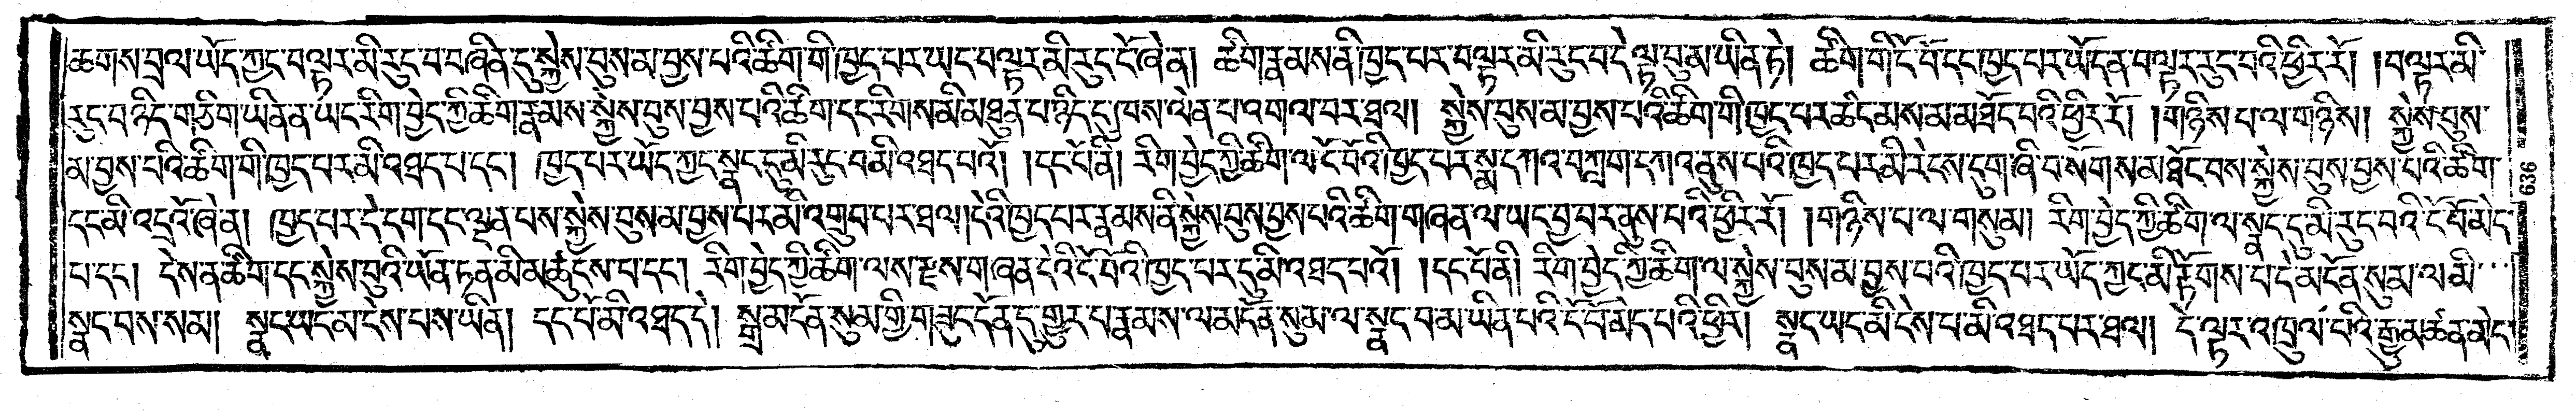ཆགས་བྲལ་ཡོད་ཀྱང་བལྟར་མི་རུང་བ་བཞིན་དུ་སྐྱེས་བུས་མ་བྱས་པའི་ཚིག་གི་ཁྱད་པར་ཡང་བལྟར་མི་རུང་ངོ་ཞེ་ན། ཚིག་རྣམས་ནི་ཁྱད་པར་བལྟར་མི་རུང་བ་དེ་ལྟ་བུ་མ་ཡིན་ཏེ། ཚིག་གི་ངོ་བོ་དང་ཁྱད་པར་ཡོད་ན་བལྟར་རུང་བའི་ཕྱིར་རོ། །བལྟར་མི་
རུང་བ་ཉིད་གཅིག་ཡིན་ན་ཡང་རིག་བྱེད་ཀྱི་ཚིག་རྣམས་སྐྱེས་བུས་བྱས་པའི་ཚིག་དང་རིགས་མི་མཐུན་པ་ཉིད་དུ་ཁས་ལེན་པ་འགལ་བར་ཐལ། སྐྱེས་བུས་མ་བྱས་པའི་ཚིག་གི་ཁྱད་པར་ཚད་མས་མ་མཐོང་བའི་ཕྱིར་རོ། །གཉིས་པ་ལ་གཉིས། སྐྱེས་བུས་
མ་བྱས་པའི་ཚིག་གི་ཁྱད་པར་མི་འཐད་པ་དང་། ཁྱད་པར་ཡོད་ཀྱང་སྣང་དུ་མི་རུང་བ་མི་འཐད་པའོ། །དང་པོ་ནི། རིག་བྱེད་ཀྱི་ཚིག་ལ་ངོ་བོའི་ཁྱད་པར་སྨ་དཀའ་བཀླག་དཀའ་ནུས་པའི་ཁྱད་པར་མི་རེངས་དུག་ཞི་བ་སོགས་མཐོང་བས་སྐྱེས་བུས་བྱས་པའི་ཚིག་
དང་མི་འདྲའོ་ཞེ་ན། ཁྱད་པར་དེ་དག་དང་ལྡན་པས་སྐྱེས་བུས་མ་བྱས་པར་མི་འགྲུབ་པར་ཐལ། དེའི་ཁྱད་པར་རྣམས་ནི་སྐྱེས་བུས་བྱས་པའི་ཚིག་གཞན་ལ་ཡང་བྱ་བར་ནུས་པའི་ཕྱིར་རོ། །གཉིས་པ་ལ་གསུམ། རིག་བྱེད་ཀྱི་ཚིག་ལ་སྣང་དུ་མི་རུང་བའི་ངོ་བོ་མེད་
པ་དང་། དེས་ན་ཚིག་དང་སྐྱེས་བུའི་ཡོན་ཏན་མི་མཚུངས་པ་དང་། རིག་བྱེད་ཀྱི་ཚིག་ལས་རྫས་གཞན་དེའི་ངོ་བོའི་ཁྱད་པར་དུ་མི་འཐད་པའོ། །དང་པོ་ནི། རིག་བྱེད་ཀྱི་ཚིག་ལ་སྐྱེས་བུས་མ་བྱས་པའི་ཁྱད་པར་ཡོད་ཀྱང་མི་རྟོགས་པ་དེ་མངོན་སུམ་ལ་མི་
སྣང་བས་སམ། སྣང་ཡང་མ་ངེས་པས་ཡིན། དང་པོ་མི་འཐད་དེ། སྒྲ་མངོན་སུམ་གྱི་གཟུང་དོན་དུ་གྱུར་པ་རྣམས་ལ་མངོན་སུམ་ལ་སྣང་བ་མ་ཡིན་པའི་ངོ་བོ་མེད་པའི་ཕྱིར། སྣང་ཡང་མི་ངེས་པ་མི་འཐད་པར་ཐལ། དེ་ལྟར་འཁྲུལ་པའི་རྒྱུ་མཚན་མེད་